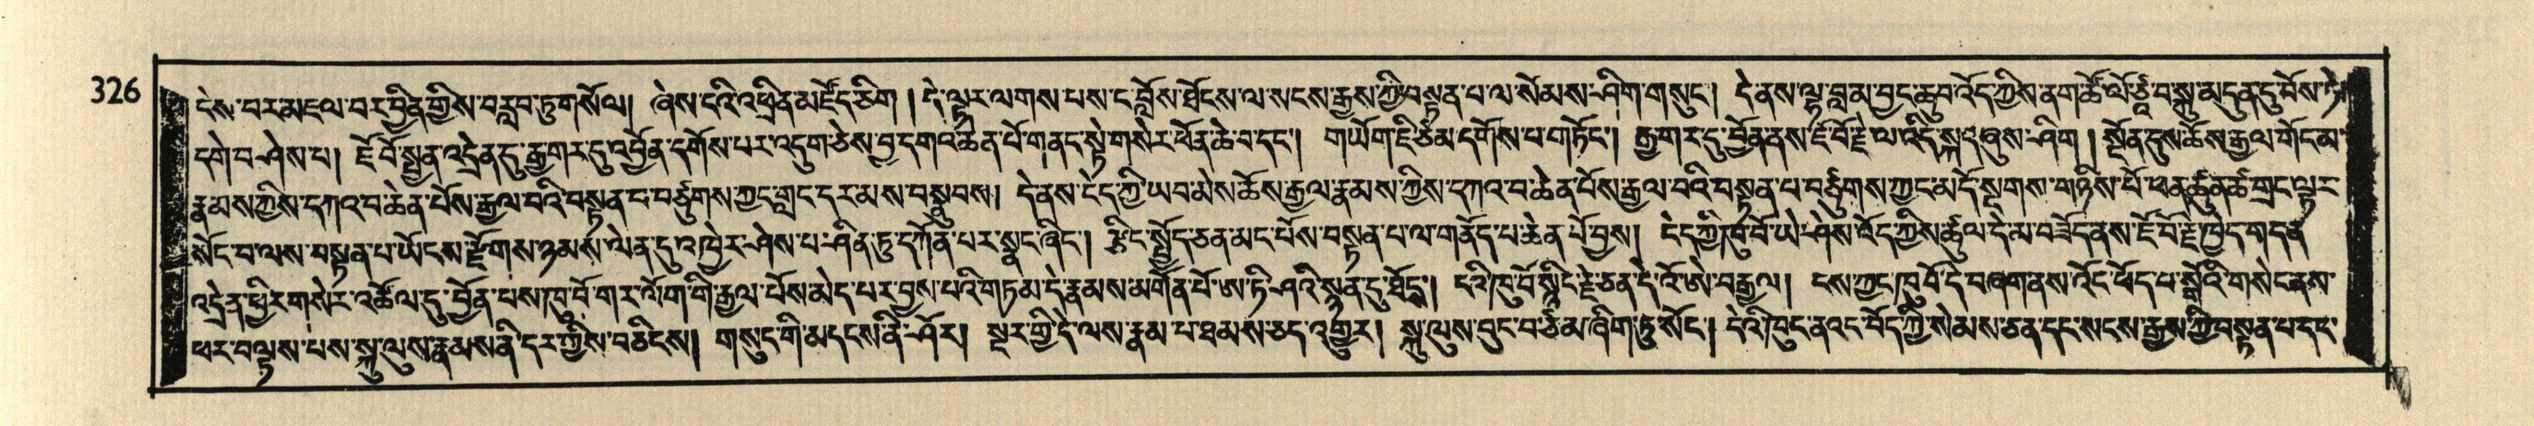ངེས་པར་མཇལ་བར་བྱིན་གྱིས་བརླབ་ཏུ་གསོལ། ཞེས་ངའི་འཕྲིན་མཛོད་ཅིག། དེ་ལྟར་ལགས་པས་ང་བློས་ཐོངས་ལ་སངས་རྒྱས་ཀྱི་བསྟན་པ་ལ་སོམས་ཤིག་གསུང་། དེ་ནས་ལྷ་བླ་མ་བྱང་ཆུབ་འོད་ཀྱིས་ནག་ཚོ་ལོ་ཙཱ་བ་སྐུ་མདུན་དུ་བོས་ཏེ།
དགེ་བཤེས་པ། ཇོ་བོ་སྤྱན་འདྲེན་དུ་རྒྱ་གར་དུ་འབྱོན་དགོས་པར་འདུག་ཅེས་བྱ་དགའ་ཆེན་པོ་གནང་སྟེ་གསེར་ཕོན་ཆེ་བ་དང་། གཡོག་ཇི་ཙམ་དགོས་པ་གཏོང་། རྒྱ་གར་དུ་བྱོན་ནས་ཇོ་བོ་རྗེ་ལ་འདི་སྐད་ཞུས་ཤིག། སྔོན་དུས་ཆོས་རྒྱལ་གོང་མ་
རྣམས་ཀྱིས་དཀའ་བ་ཆེན་པོས་རྒྱལ་བའི་བསྟན་བ་བཙུགས་ཀྱང་གླང་དར་མས་བསྣུབས། དེ་ནས་ངེད་ཀྱི་ཡབ་སེམས་ཆོས་རྒྱལ་རྣམས་ཀྱིས་དཀའ་བ་ཆེན་པོས་རྒྱལ་བའི་བསྟན་པ་བཙུགས་ཀྱང་མདོ་སྔགས་གཉིས་པོ་ཕན་ཚུན་ཚ་གྲང་ལྟར་
སོང་བ་ལས་བསྟན་པ་ཡོངས་རྫོགས་ཉམས་ལེན་དུ་འཁྱེར་ཤེས་པ་ཤིན་ཏུ་དཀོན་པར་སྣང་ཞིང་། རྩིང་སྤྱོད་ཅན་མང་པོས་བསྟན་པ་ལ་གནོད་པ་ཆེན་པོ་བྱས། ངེད་ཀྱི་ཁུ་བོ་ཡེ་ཤེས་འོད་ཀྱིས་ཚུལ་དེ་མ་བཟོད་ནས་ཇོ་བོ་རྗེ་ཁྱེད་གདན་
འདྲེན་ཕྱིར་གསེར་འཚོལ་དུ་བྱོན་པས་ཁུ་བོ་གར་ལོག་གི་རྒྱལ་པོས་མེད་པར་བྱས་པའི་གཏམ་དེ་རྣམས་མགོན་པོ་ཨ་ཏི་ཤའི་སྙན་དུ་ཐོངས། ངའི་ཁུ་བོ་སྙིང་རྗེ་ཅན་དེ་འོ་ཨེ་བརྒྱལ། ངས་ཀྱང་ཁུ་བོ་དེ་བཞག་ནས་འོང་ཕོད་པ་སྒོའི་གསེང་ནས་
ཕར་བལྟས་པས་སྐུ་ལུས་རྣམས་ནི་དར་གྱིས་བཅིངས། གསུང་གི་མདངས་ནི་ཤོར། སྔར་གྱི་དེ་ལས་རྣམ་པ་ཐམས་ཅད་འགྱུར། སྐུ་ལུས་བུང་བ་ཙམ་ཞིག་ཏུ་སོང་། ངེའི་ཁུང་ནའང་བོད་ཀྱི་སེམས་ཅན་དང་སངས་རྒྱས་ཀྱི་བསྟན་པ་དང་